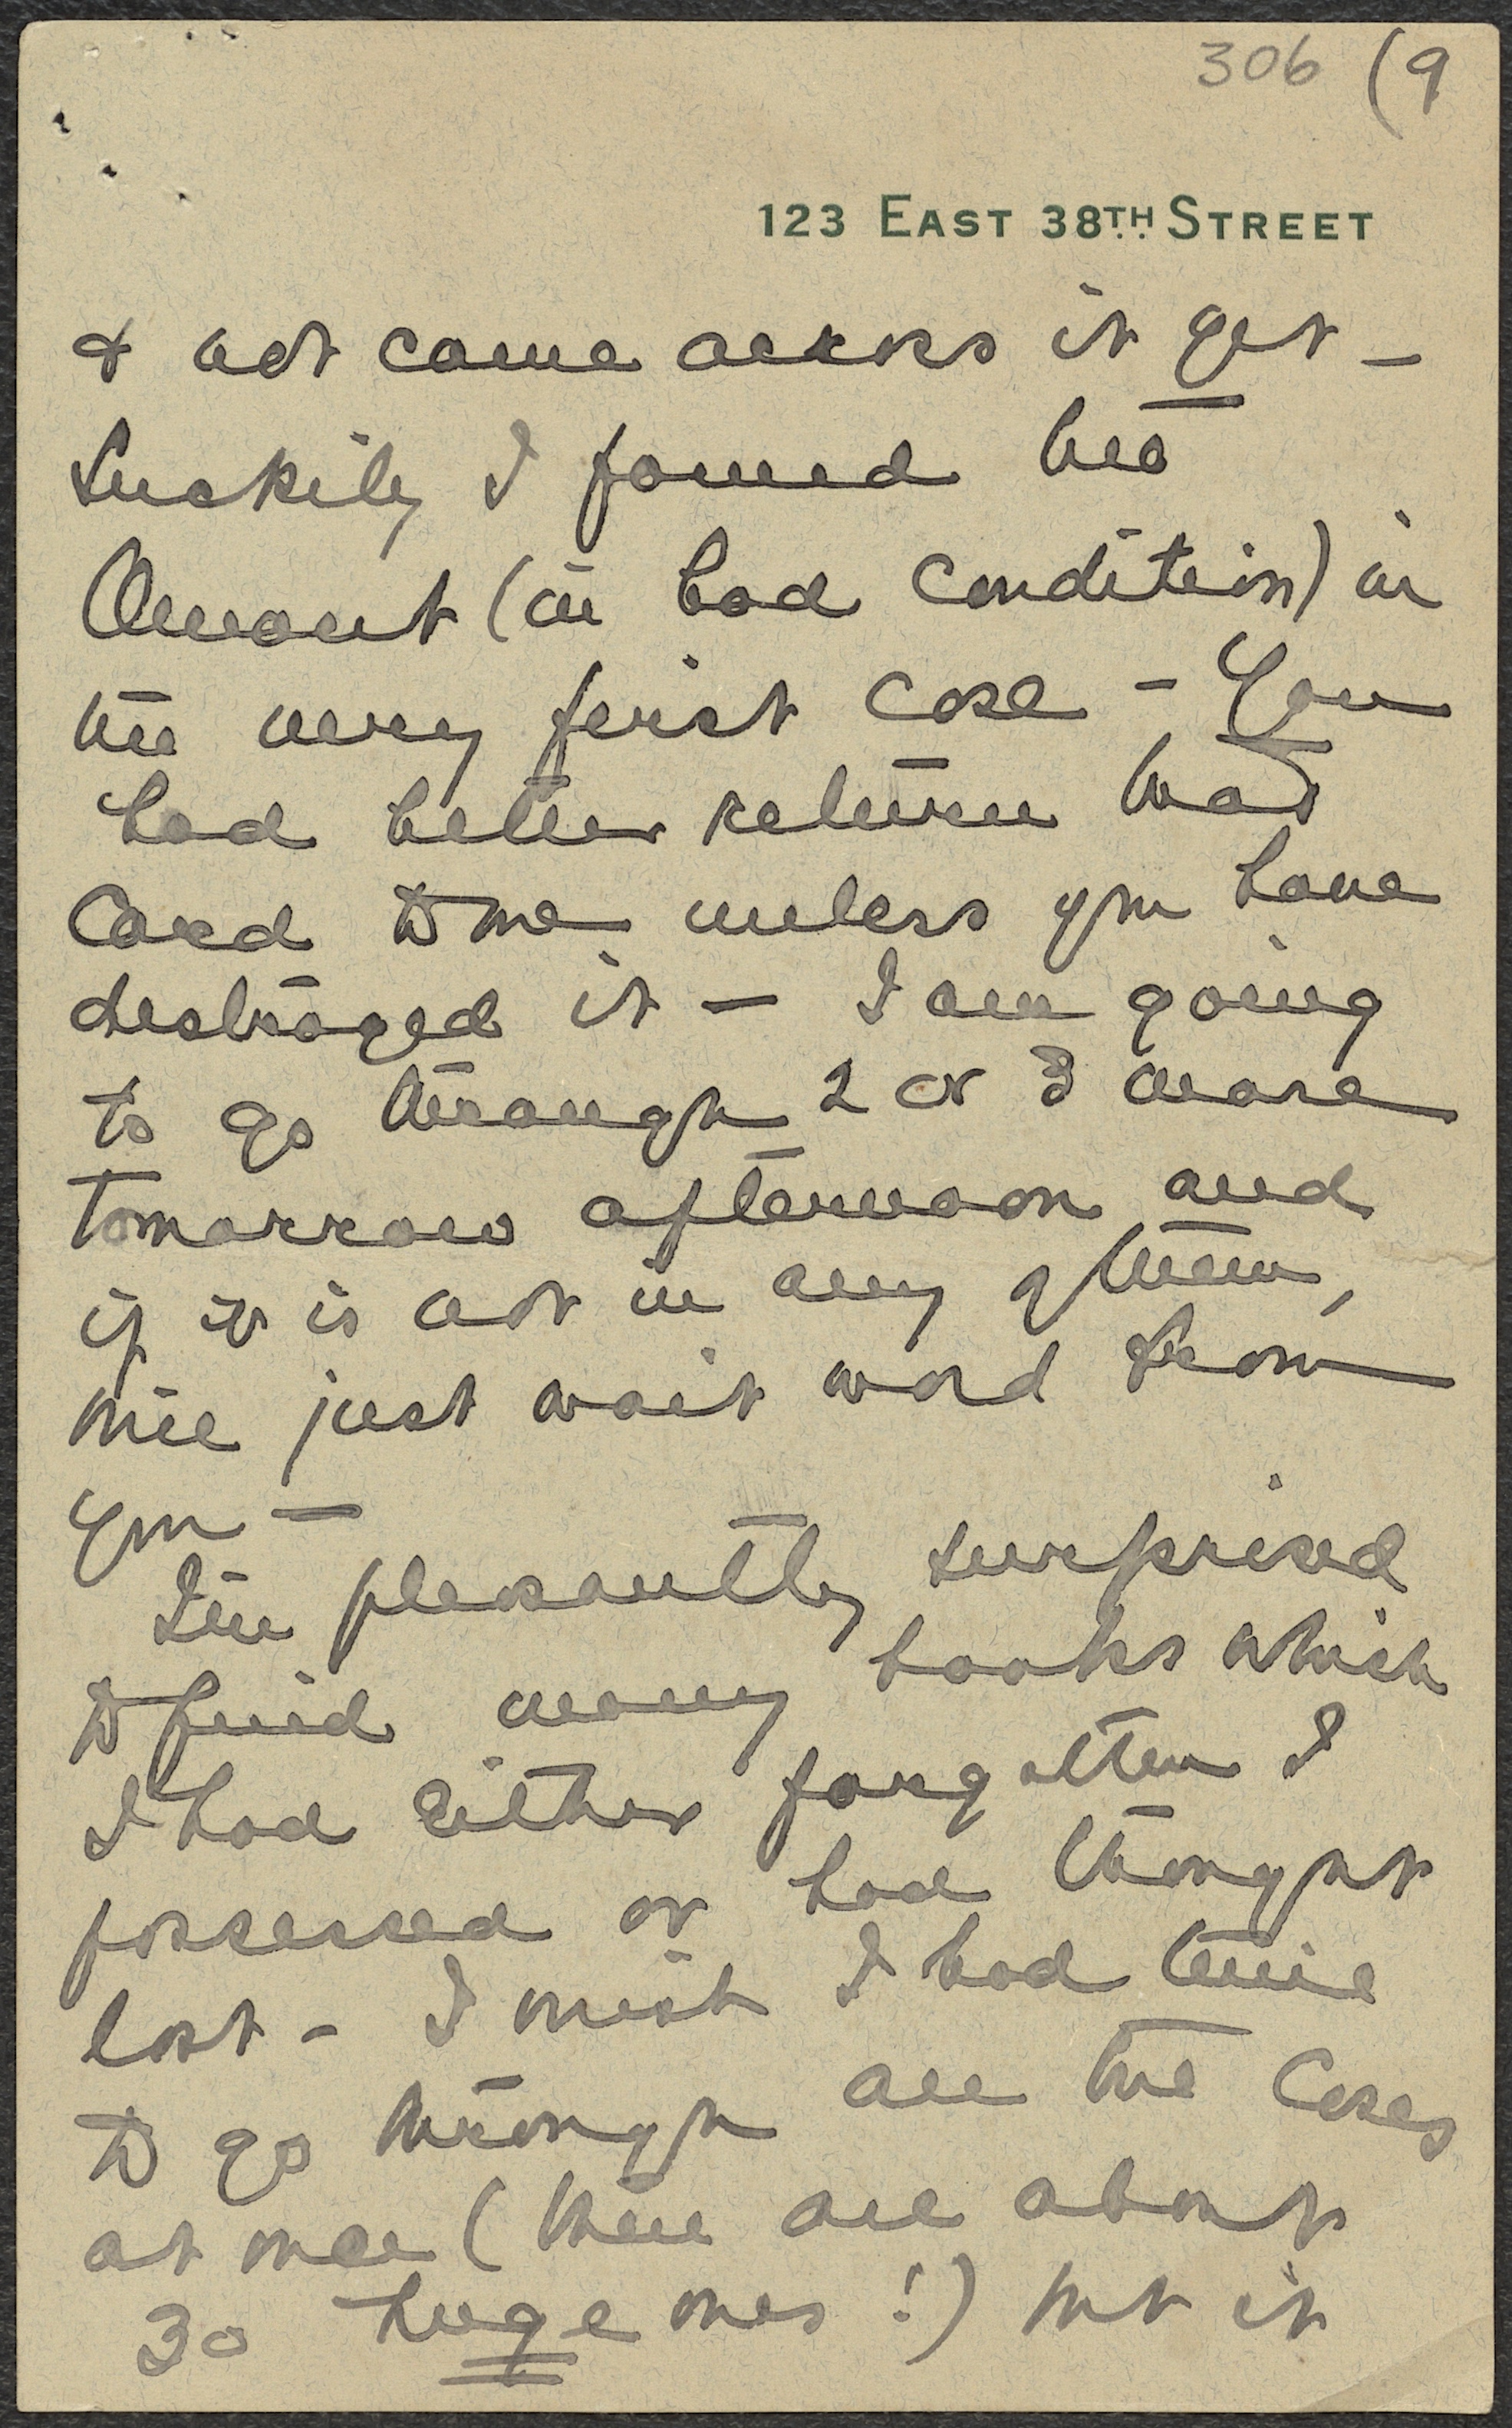& not come across it yet – Luckily I found the Omont (in bad condition) in the very first case – You had better return that card to me unless you have destroyed it – I am going to go through 2 or 3 more tomorrow afternoon and if it is not in any of them, will just wait word from you –
I’m pleasantly surprised to find many books which I had either forgotten I possessed or had thought lost – I wish I had time to go through all the cases at once (there are about 30 [double underlined: huge] ones!) but it